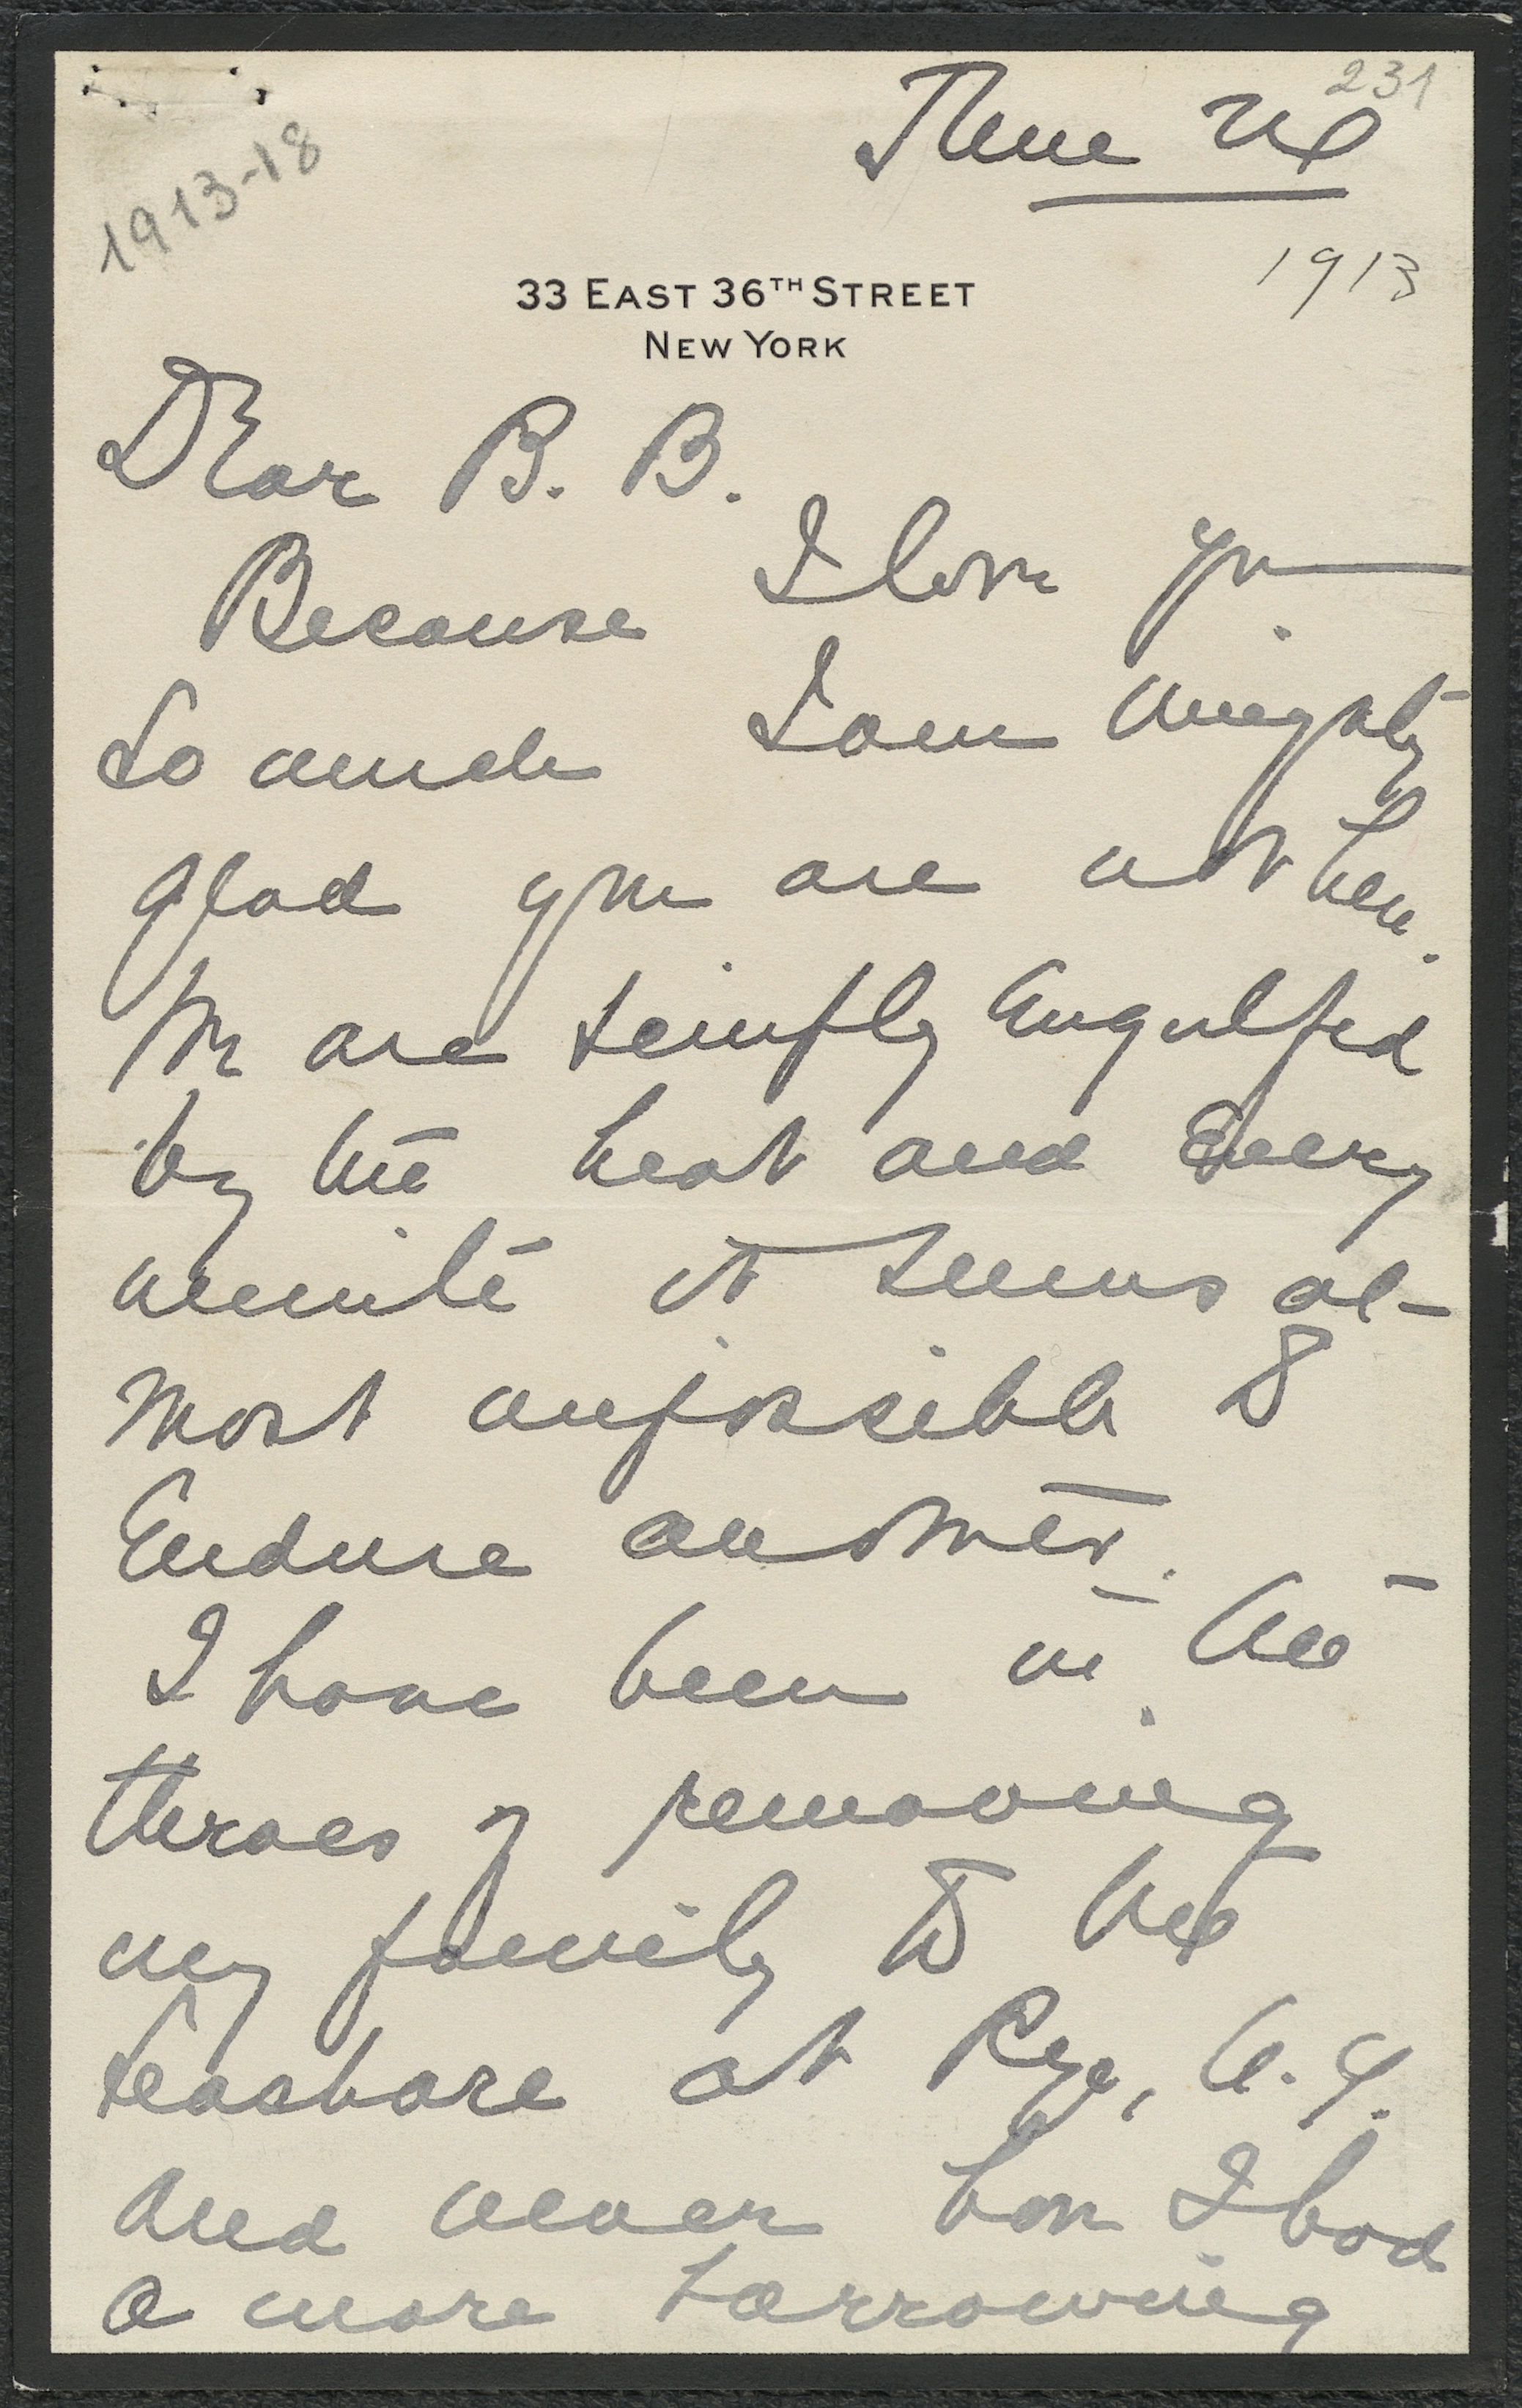June 24
Dear B. B.
Because I love you so much I am mighty glad you are not here. We are simply engulfed by the heat and every minute it seems almost impossible to endure another.
I have been in the throes of removing my family to the seashore at Rye, N. Y. and never have I had a more harrowing